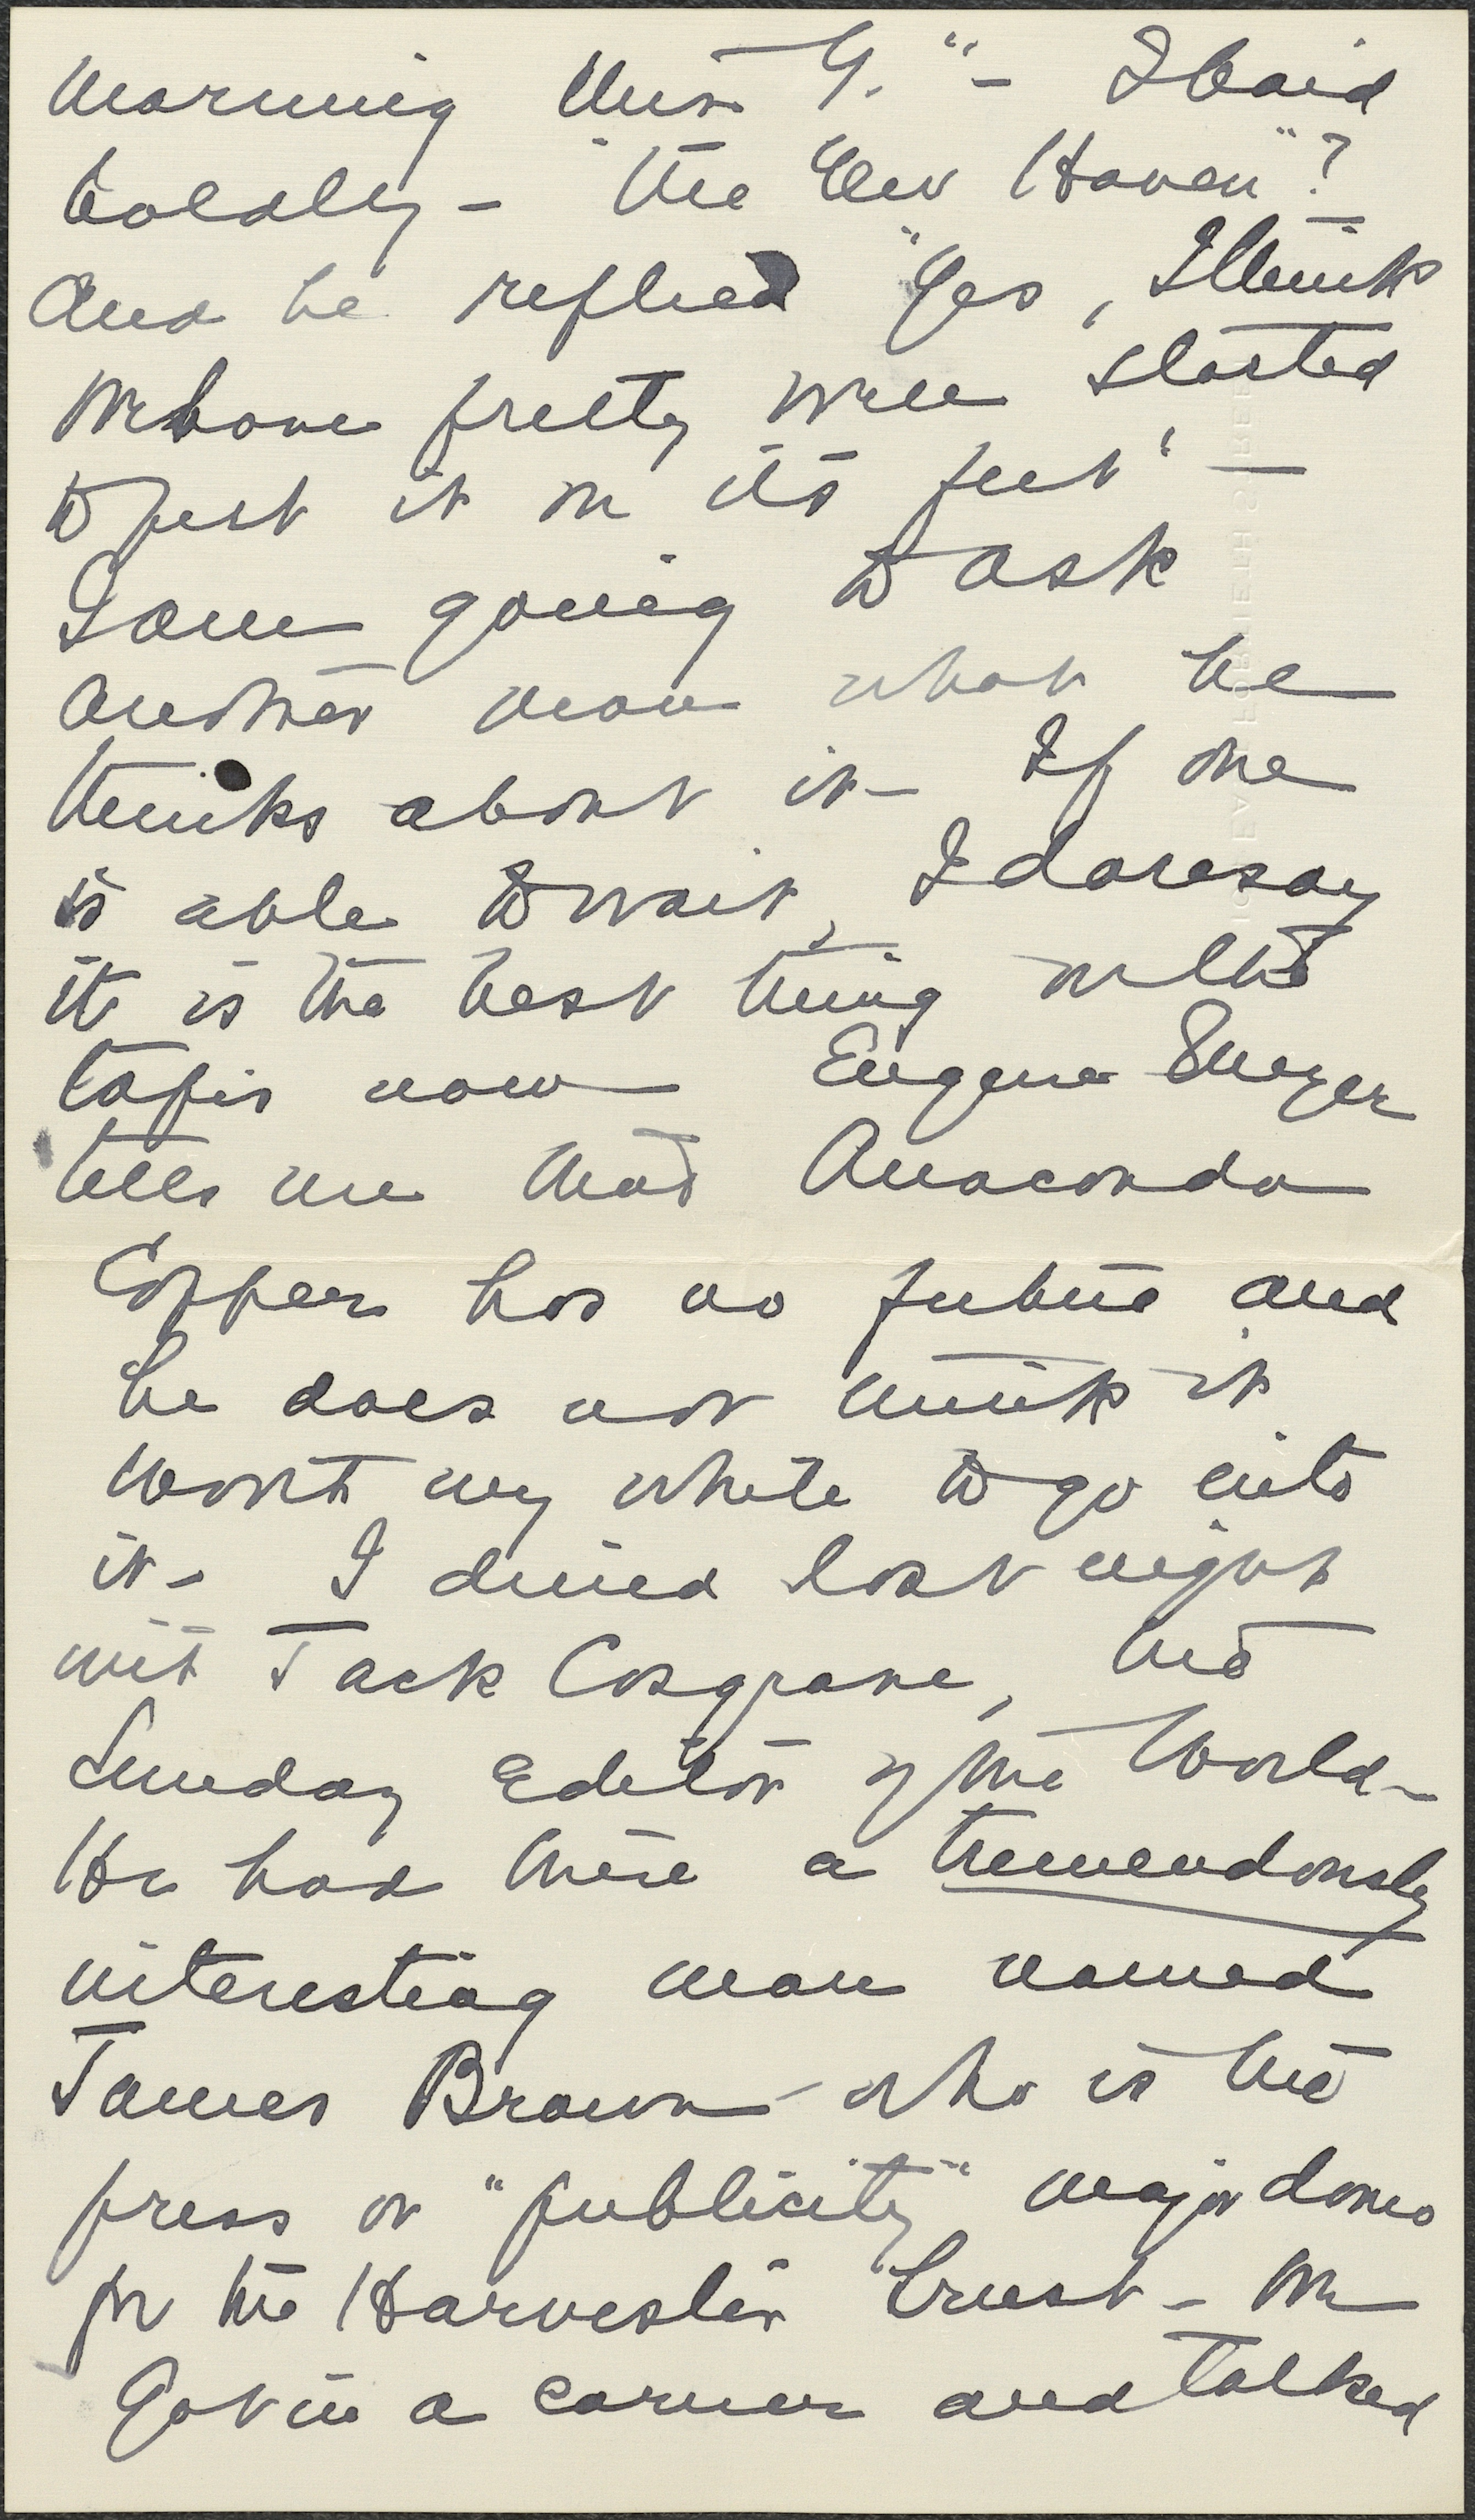morning Miss G.” – I said boldly – “The New Haven”? And he replied “Yes, I think we have pretty well started to put it on its feet” – I am going to ask another man what he things about it – If one is able to wait, I daresay it is the best thing on the tapes now – Eugene Meyer tells me that Anaconda Copper has no future and he does not think it worth my while to go into it – I dined last night with Jack Cosgrave, the Sunday editor of the World – he had there a tremendously interesting man named James Brown who is the press or “publicity” majordomo for the Harvester Trust – we got in a corner and talked